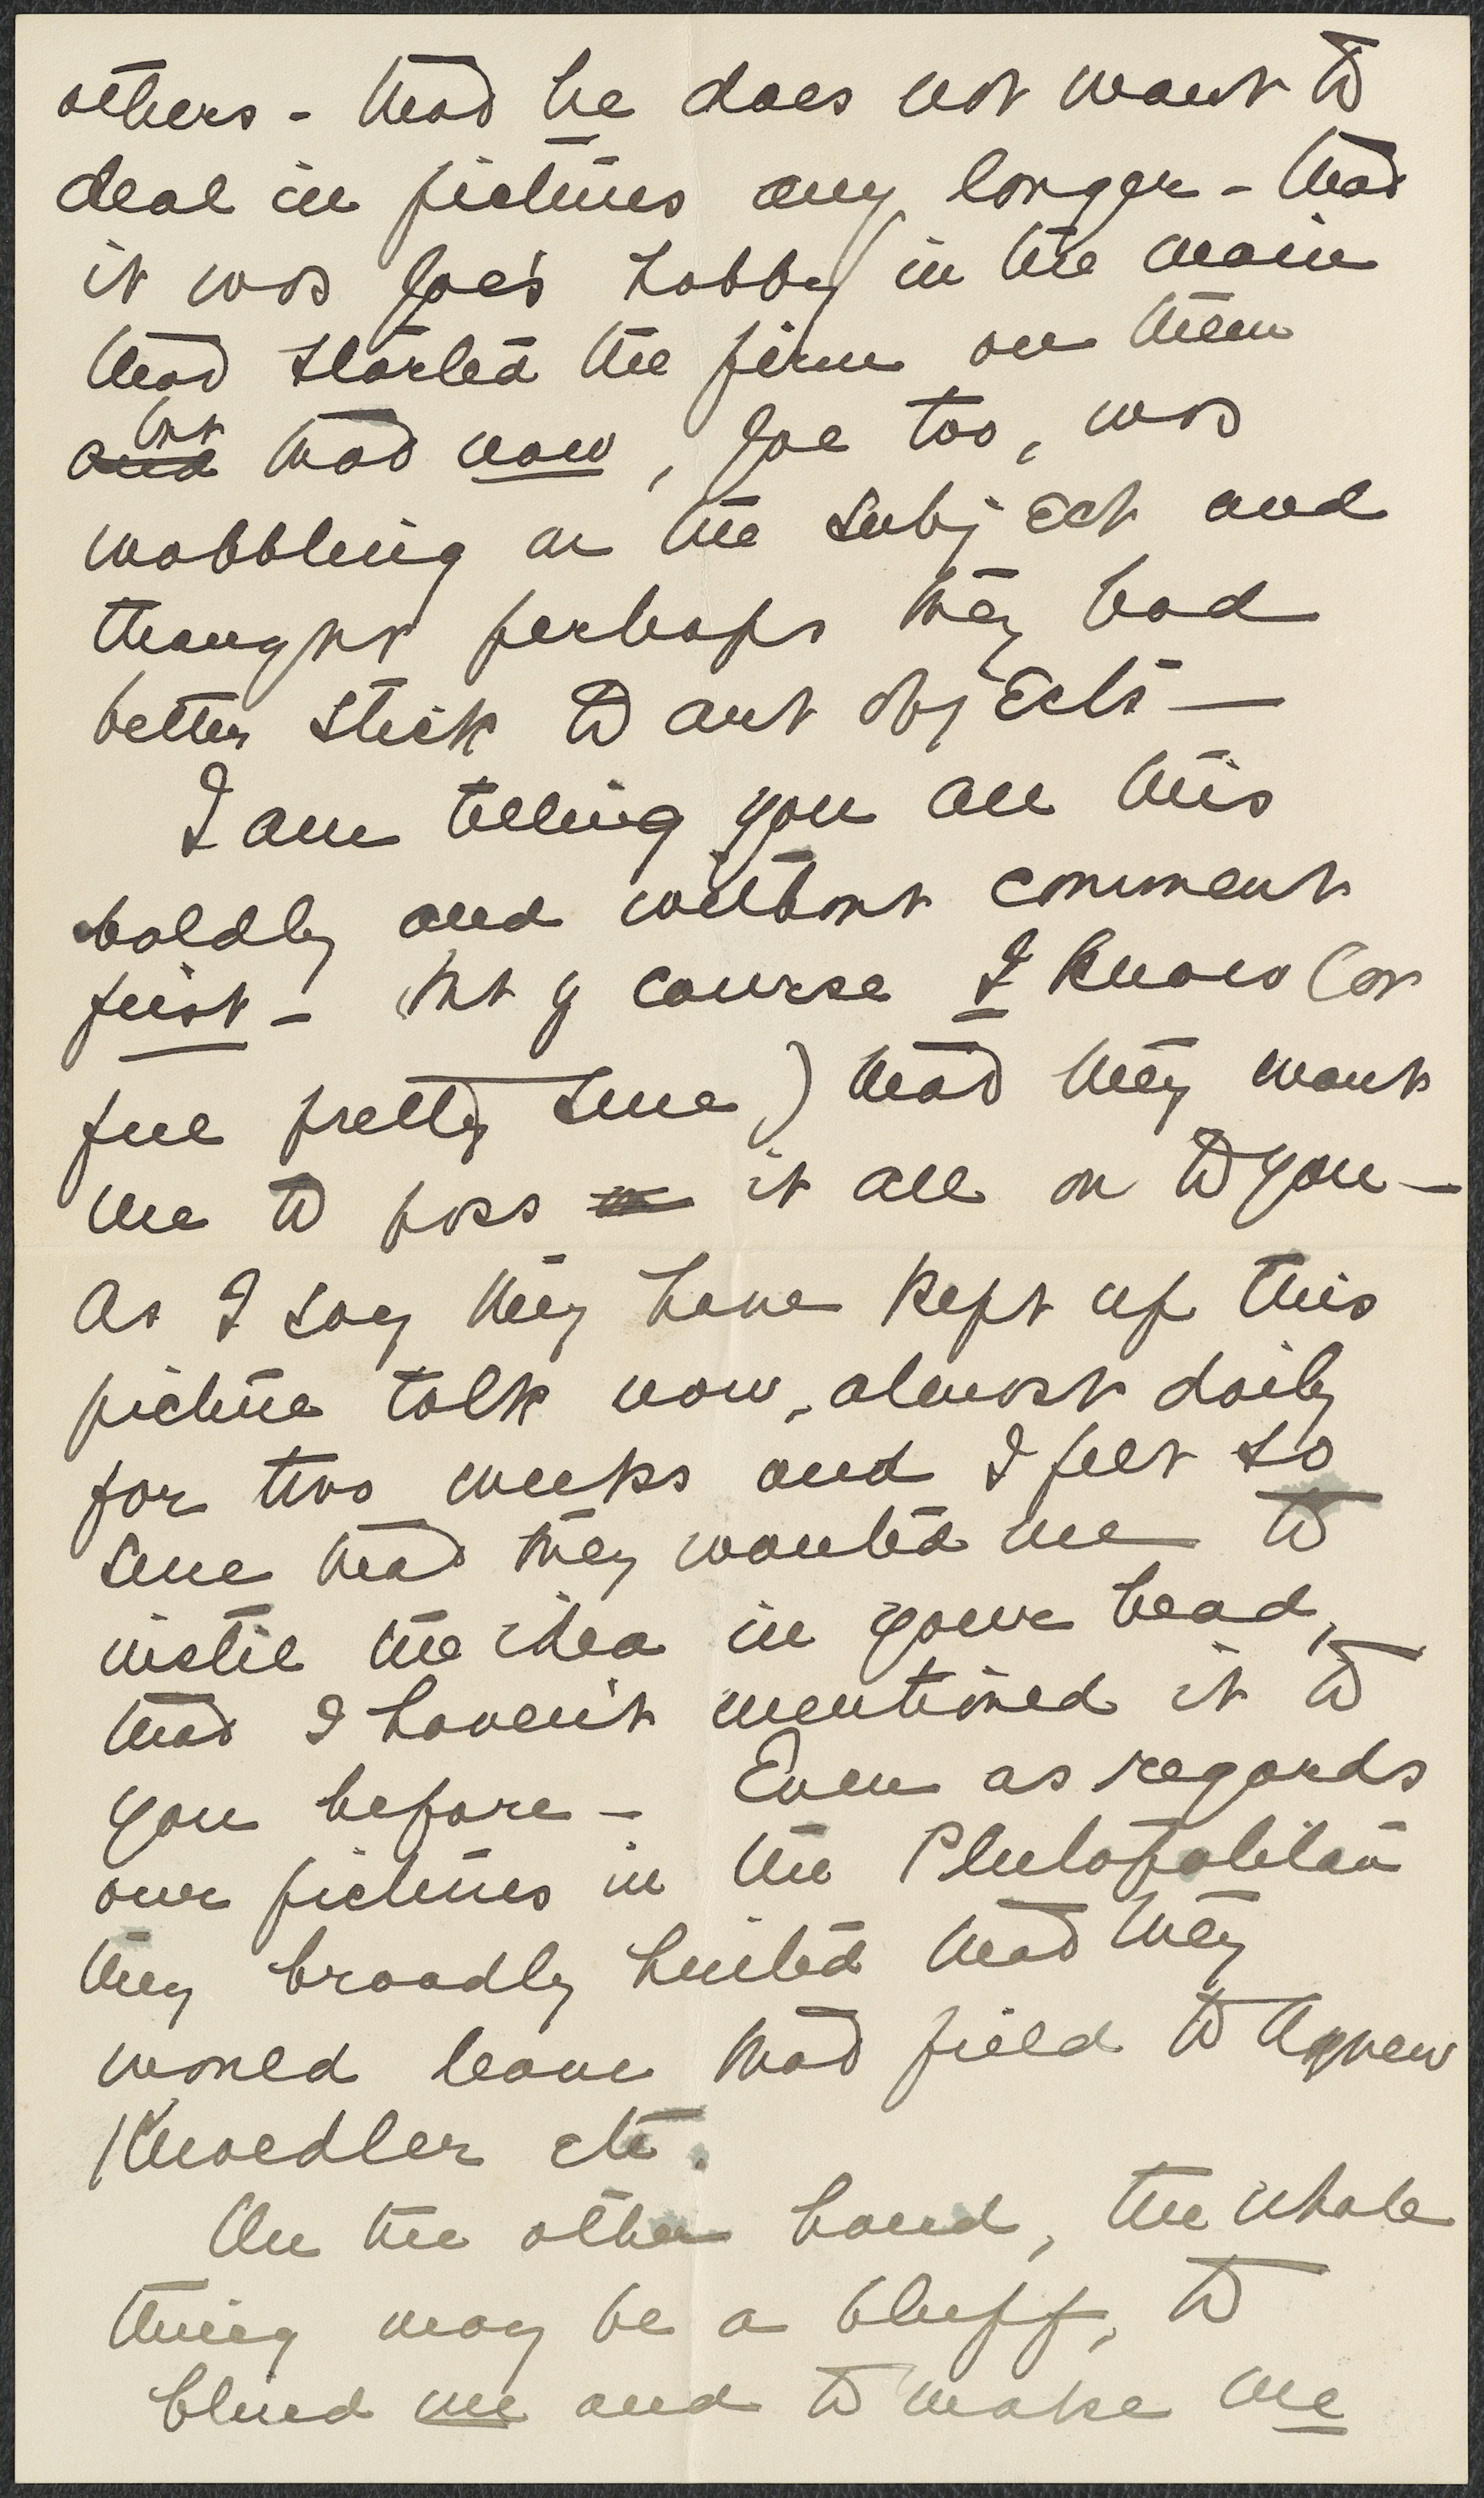others – that he does not want to deal in pictures any longer – that it was Joe’s hobby in the main that started the firm on them and but that now, Joe too, was wobbling on the subject and thought perhaps they had better stick to art objects –
I am telling you all this boldly and without comment first – but of course I know (or feel pretty sure) that they want me to pass on it all on to you – as I say they have kept up this picture talk now, almost daily for two weeks and I felt so sure that they wanted me to instil [sic] the idea in your head, that I haven’t mentioned it to you before – even as regards our pictures in the Plutopolitan they broadly hinted that they would leave that field to Agnew Knoedler etc.
On the other hand, the whole thing may be a bluff, to blind me and make me